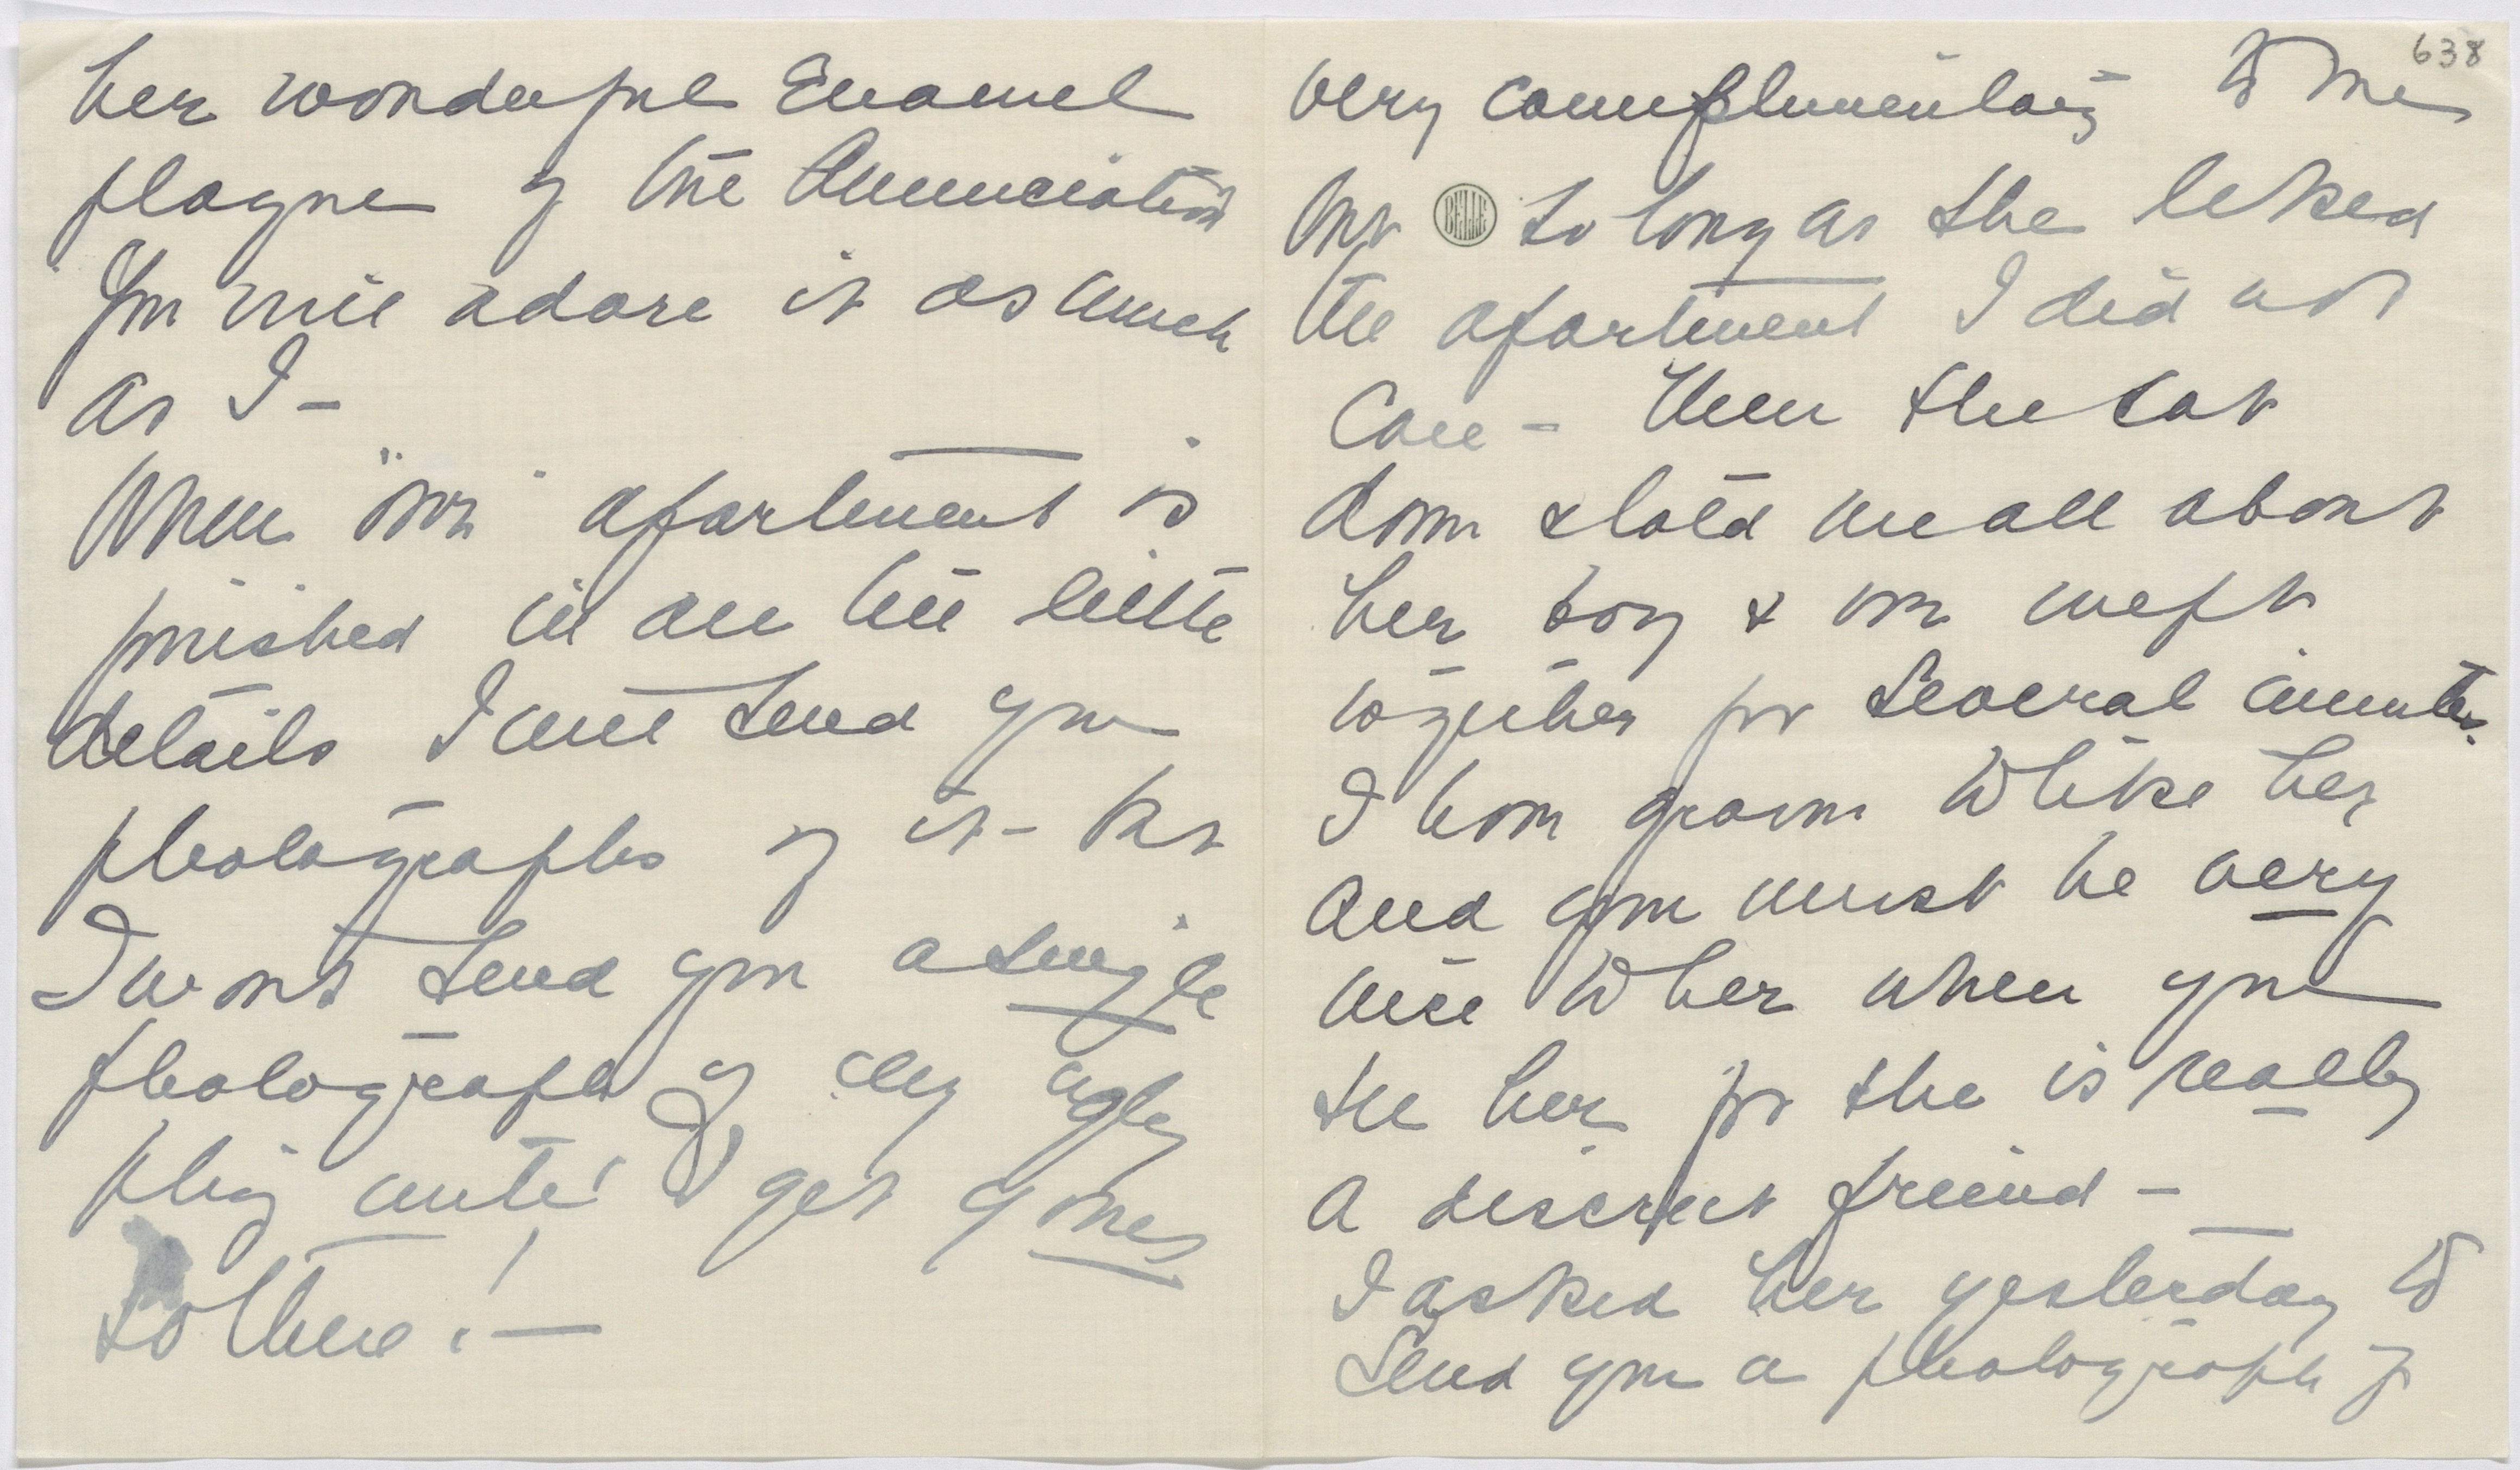very complimentary to me but so long as she liked the apartment I did not care – Then she sat down & told me all about her boy & we wept together for several minutes. I have grown to like her and you must be very nice to her when you see her for she is really a discreet friend –
I asked her yesterday to send you a photograph of
her wonderful enamel plaque of the Annunciation You will adore it as much as I –
When “our” apartment is finished in all the little details I will send you photographs of it – but I won’t send you a single photograph of my ugly plig until I get yours so there! –